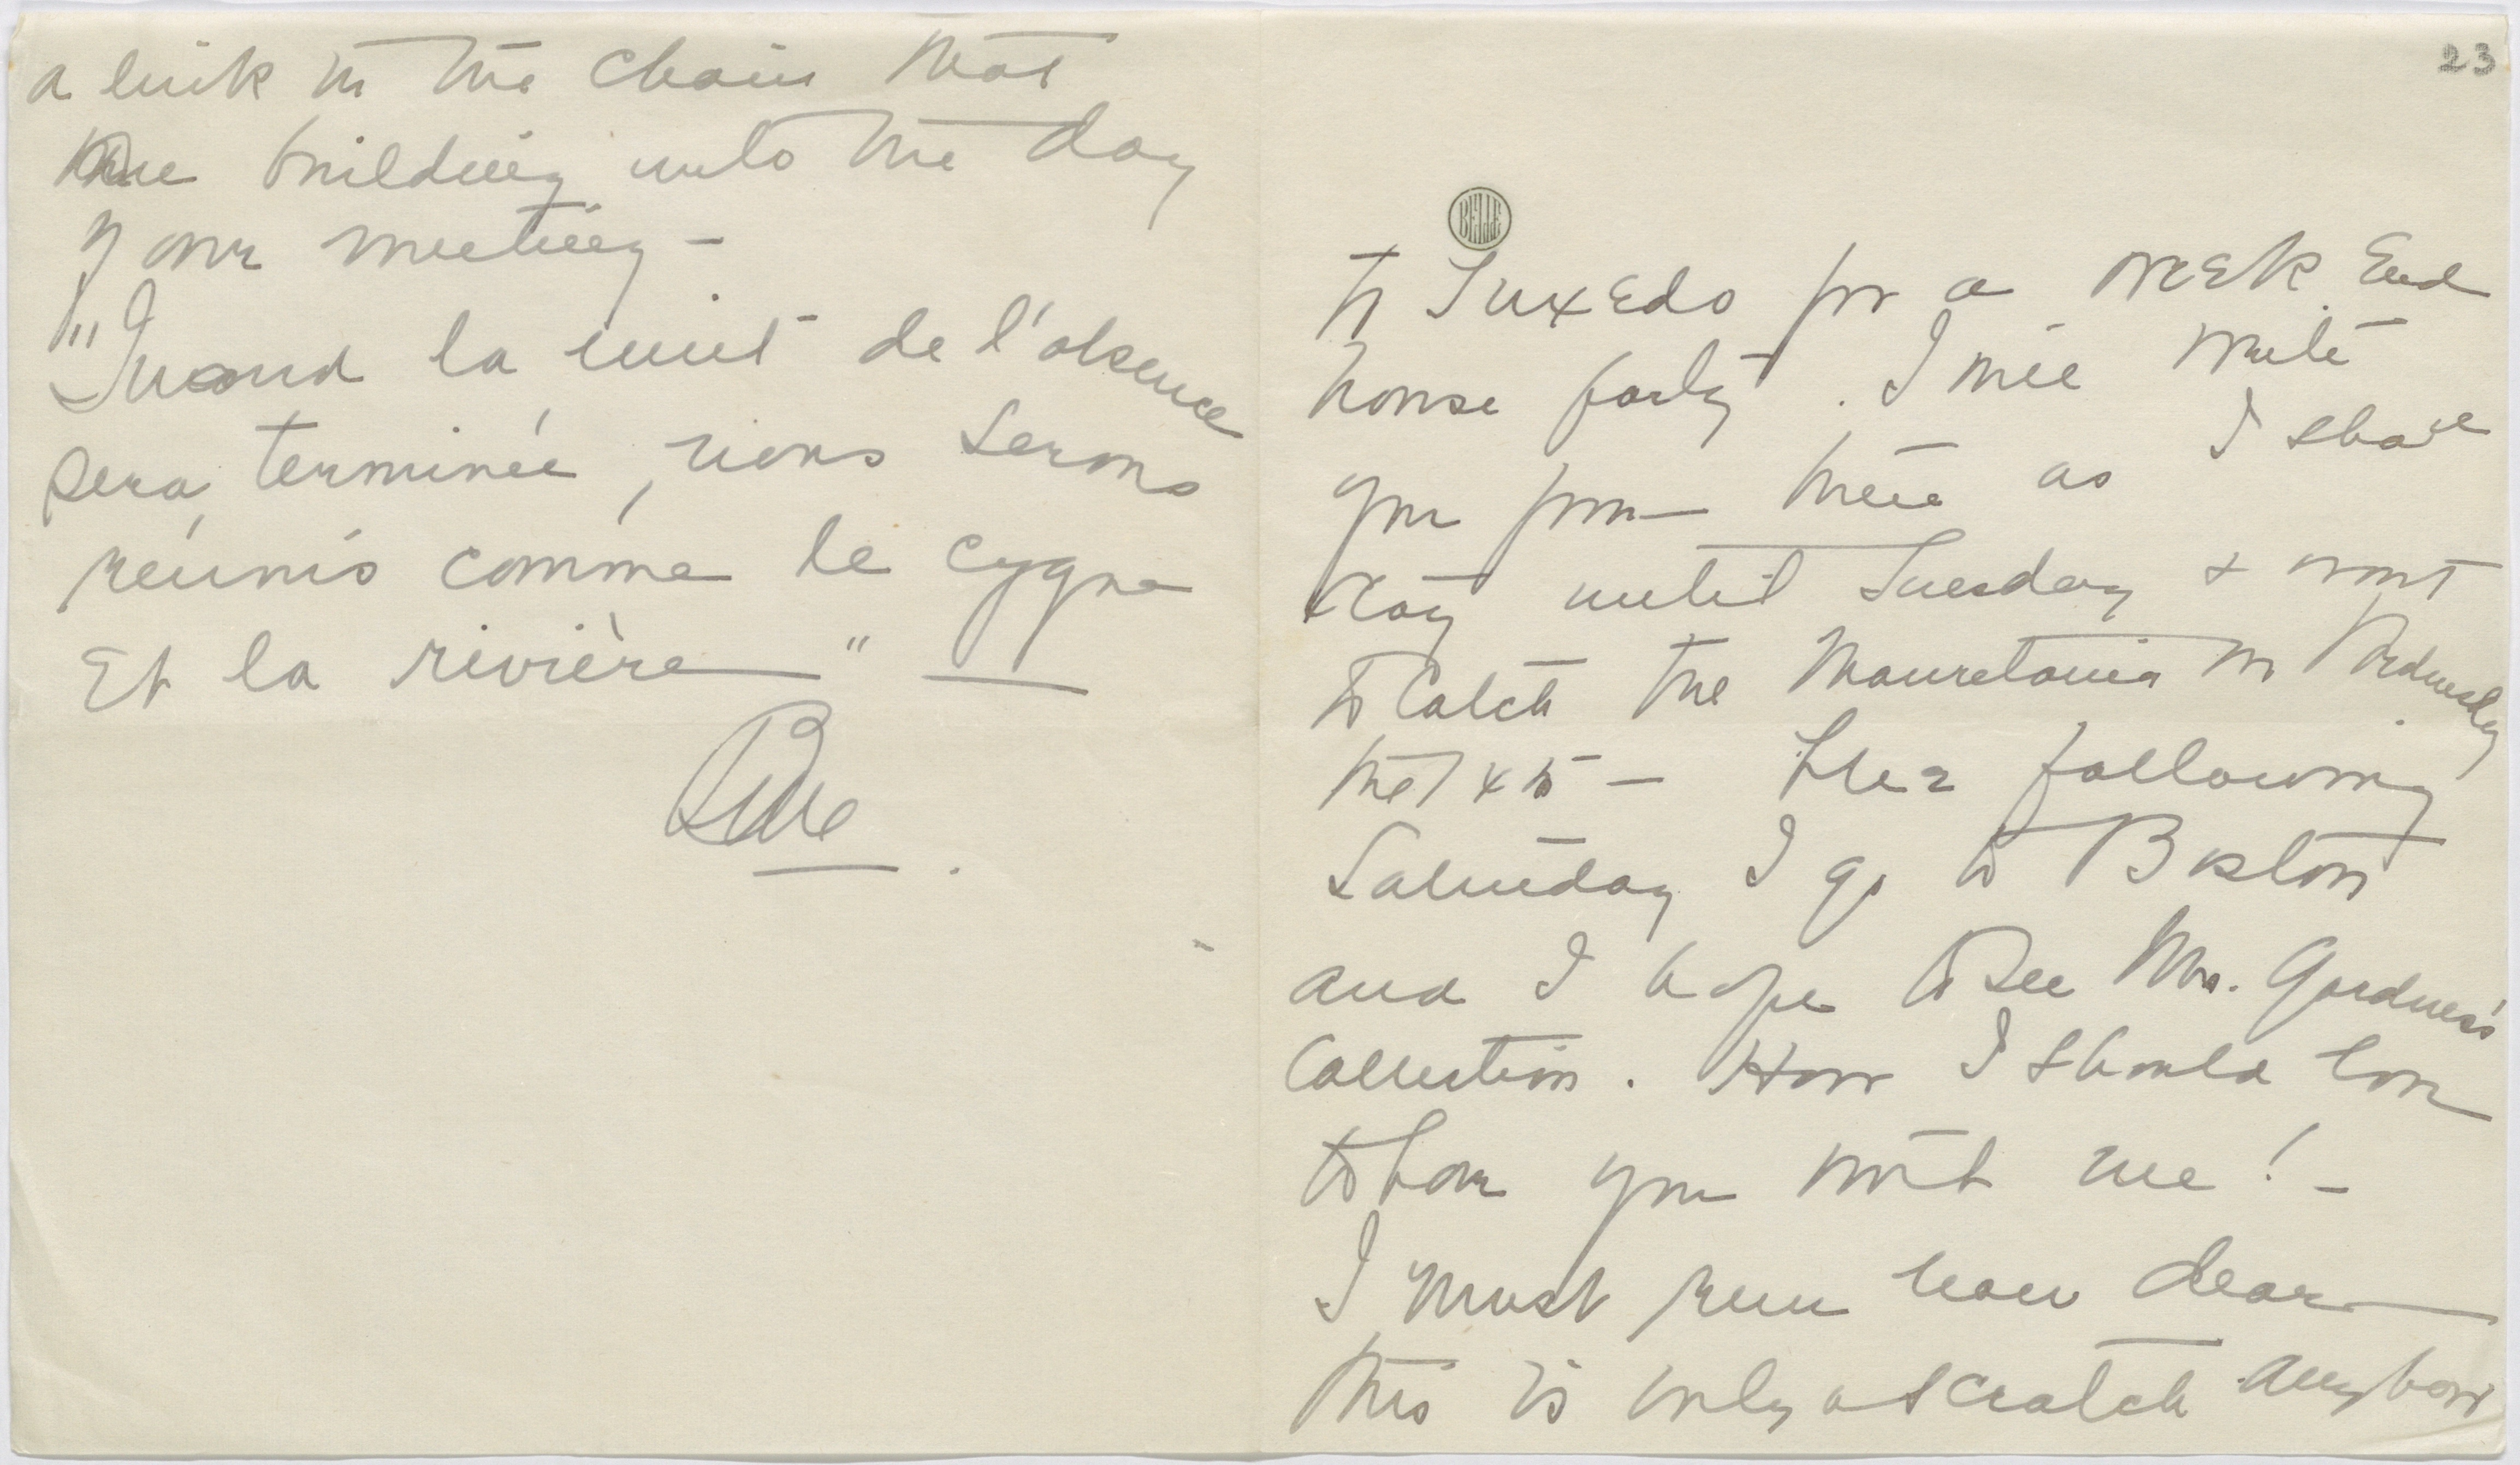to Tuxedo for a week end house party. I will write you from there as I shall stay until Tuesday & want to catch the Mauretania on Wednesday the 14th – The following Saturday I go to Boston and I hope to see Mrs. Gardner’s collection. How I should love to have you with me! – I must run now dear – this is only a scratch anyhow
a link in the chain that [illegible deletion] building into the day of our meeting –
“Quand la nuit de l’absence sera terminée, nous serons réunis comme le cygne et la rivière.” –
Belle.